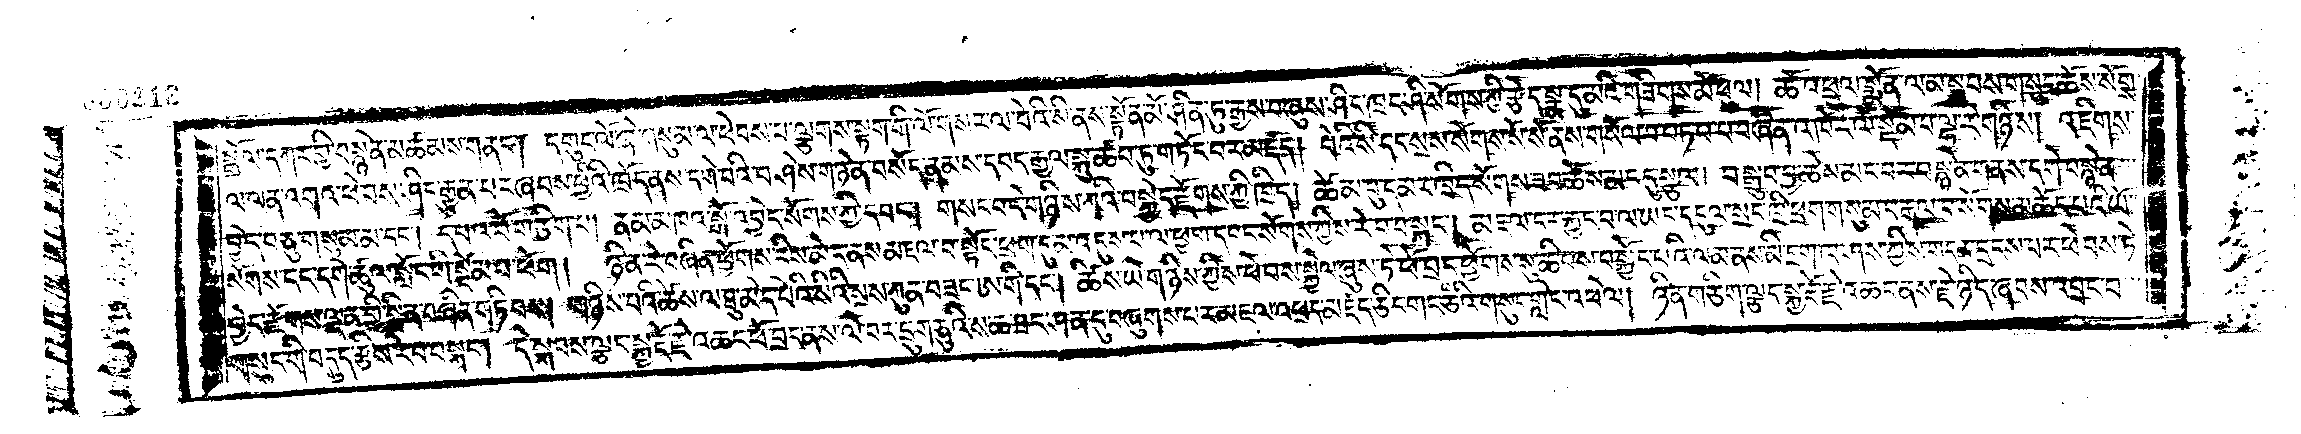སྒྲོལ་དཀར་གྱི་བསྙེན་མཚམས་གནང་། དགུང་ལོ་ཞེ་གསུམ་ལ་ཕེབས་བ་ལྕགས་སྟག་གི་ལོ་གསར་ལ་པེའི་སི་ནས་སྟོན་མོ་ཤིན་ཏུ་རྒྱས་བ་ཞུས་ཤིང་ཁྲང་ཤི་སོགས་ཀྱི་རྩེད་སྣ་དུ་མའི་གཟིགས་མོ་ཕུལ། ཆོ་འཕྲུལ་སྨོན་ལམ་སྐབས་གསུང་ཆོས་སོགས་
ལ་ལན་འགའ་ཕེབས་ཤིང་རྒྱུན་པར་ཞབས་ཕྱིའི་ཁྲོད་ནས་དགེ་བའི་བཤེས་གཉེན་བསོད་ནམས་དབང་རྒྱལ་སྐུ་ཚབ་ཧུ་གཏོང་བར་མཛད། པེའི་སི་དང་སྲས་སོགས་སོ་སོ་ནས་གསོལ་བ་བཏབ་པ་བཞིན་འཁྲོ་ལོ་སྡོམ་པ་ལྷ་རེ་གཉིས། འཇིགས་
བྱེད་བཅུ་གསུམ་མ་དང་། དཔའ་པོ་གཅིག་པ། ནམ་མཁའ་སྒོ་འབྱེད་སོགས་ཀྱི་དབང་། གསང་བདེ་གཉིས་ཀའི་བསྐྱེད་རྫོགས་ཀྱི་ཁྲིད། ཚེམ་བུ་དམར་ཁྲིད་སོགས་ཟབ་ཆོས་མང་དུ་སྩལ། བསྒྲུབ་བྱ་ཆེས་མང་བར་བསྙེན་གནས་དགེ་བསྙེན་
སོགས་དང་དགེ་ཚུལ་སློང་གི་སྡོམ་པ་ཕོག། ཉིན་རེ་བཞིན་ཕྱོགས་རིས་མེད་ནས་མཇལ་བ་སྟོང་ཕྲག་དུ་མ་འདུས་པ་ལ་ཕྱག་དབང་སོགས་ཀྱིས་རེ་བ་བསྐང་། མཇལ་དར་རྐྱང་བ་ལ་ཡང་དངུལ་སྲང་ཁྲི་ཕྲག་གསུམ་བརྒལ་པ་སོགས་མཆོད་པའི་ཡོ་
བྱད་རྫོགས་ལྡན་གྱི་སྤྲིན་བཞིན་གཏིབས། གཉིས་པའི་ཚེས་ལ་ཐུ་མེད་པེའི་སིའི་སྲས་ཀུན་བཟང་ཨ་གི་དང་། ཚིས་ཡེ་གཉིས་ཀྱིས་ཕེབས་སྐྱེལ་ཞུས་ཏེ་ཕོ་བྲང་ཕྱོགས་སུ་ཆིབས་བསྐྱོད་པའི་ལམ་ནས་མི་དྲག་ཁ་ཤས་ཀྱིས་གདན་དྲངས་པར་ཕེབས་ཏེ་
གསུང་གི་བདུད་རྩིས་རེ་བ་བསྐང་། དེ་སྐབས་ལྕང་སྐྱ་རྡོ་རྗེ་འཆང་ཕོ་བྲང་ནས་ལེ་བར་དྲུག་ཅུའི་ས་ཆ་ཐང་ཤན་དུ་བཞུགས་པར་མཇལ་འཕྲད་མཛད་ཅིང་གང་ཅིའི་གསུང་སླེང་འཕེལ། ཉིན་གཅིག་ལྕང་སྐྱ་རྡོ་རྗེ་འཆང་ནས་རྗེ་ཉིད་ཞབས་འབྲང་བ་